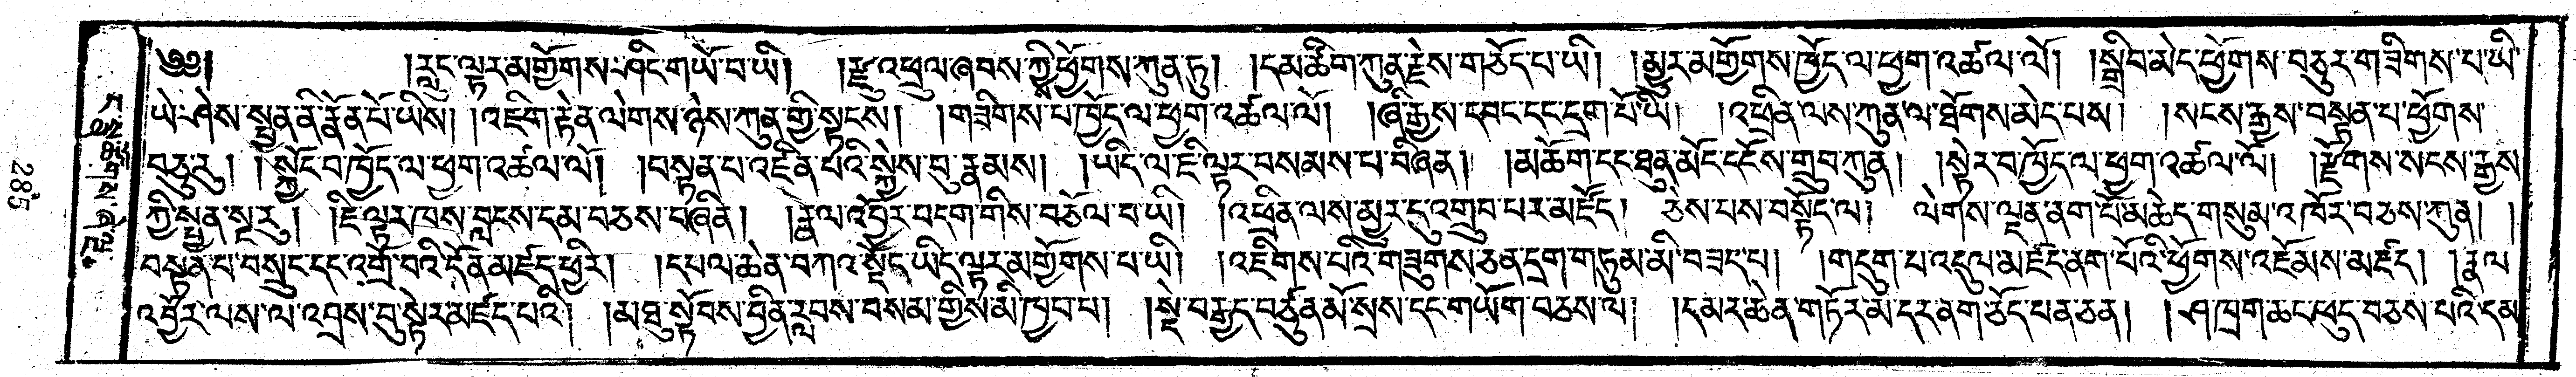༄༅། །རླུང་ལྟར་མགྱོགས་ཤིང་གཡོ་བ་ཡི། །རྫུ་འཕྲུལ་ཞབས་ཀྱིས་ཕྱོགས་ཀུན་ཏུ། །དམ་ཚིག་ཀུན་རྗེས་གཅོད་པ་ཡི། །མྱུར་མགྱོགས་ཁྱོད་ལ་ཕྱག་འཚལ་ལོ། །སྒྲིབ་མེད་ཕྱོགས་བཅུར་གཟིགས་པ་ཡི་
ཡེ་ཤེས་སྤྱན་ནི་རྣོན་པོ་ཡིས། །འཇིག་རྟེན་ལེགས་ཉེས་ཀུན་གྱི་སྟངས། །གཟིགས་པ་ཁྱོད་ལ་ཕྱག་འཚལ་ལོ། །ཞི་རྒྱས་དབང་དང་དྲག་པོ་ཡི། །འཕྲིན་ལས་ཀུན་ལ་ཐོགས་མེད་པས། །སངས་རྒྱས་བསྟན་པ་ཕྱོགས་
བཅུ་རུ། །སྐྱོང་བ་ཁྱོད་ལ་ཕྱག་འཚལ་ལོ། །བསྟན་པ་འཛིན་པའི་སྐྱེས་བུ་རྣམས། །ཡིད་ལ་ཇི་ལྟར་བསམས་པ་བཞིན། །མཆོག་དང་ཐུན་མོང་དངོས་གྲུབ་ཀུན། །སྟེར་བ་ཁྱོད་ལ་ཕྱག་འཚལ་ལོ། །རྫོགས་སངས་རྒྱས་
ཀྱི་སྤྱན་སྔ་རུ། །ཇི་ལྟར་ཁས་བླངས་དམ་བཅས་བཞིན། །རྣལ་འབྱོར་བདག་གིས་བཅོལ་བ་ཡི། །འཕྲིན་ལས་མྱུར་དུ་འགྲུབ་པར་མཛོད། ཅེས་པས་བསྟོད་ལ། ལེགས་ལྡན་ནག་པོ་མཆེད་གསུམ་འཁོར་བཅས་ཀུན། །
བསྟན་པ་བསྲུང་དང་འགྲོ་བའི་དོན་མཛད་ཕྱིར། །དཔལ་ཆེན་བཀའ་སྡོད་ཡིད་ལྟར་མགྱོགས་པ་ཡི། །འཇིགས་པའི་གཟུགས་ཅན་དྲག་གཏུམ་མི་བཟད་པ། །གདུག་པ་འདུལ་མཛད་ནག་པོའི་ཕྱོགས་འཇོམས་མཛད། །རྣལ་
འབྱོར་ལས་ལ་འབྲས་བུ་སྟེར་མཛད་པའི། །མཐུ་སྟོབས་བྱིན་རླབས་བསམ་གྱིས་མི་ཁྱབ་པ། །སྡེ་བརྒྱད་བཙུན་མོ་སྲས་དང་གཡོག་བཅས་ལ། །དམར་ཆེན་གཏོར་མ་དར་ནག་ཅོད་པན་ཅན། །ཤ་ཁྲག་ཆང་ཕུད་བཅས་པའི་དམ་